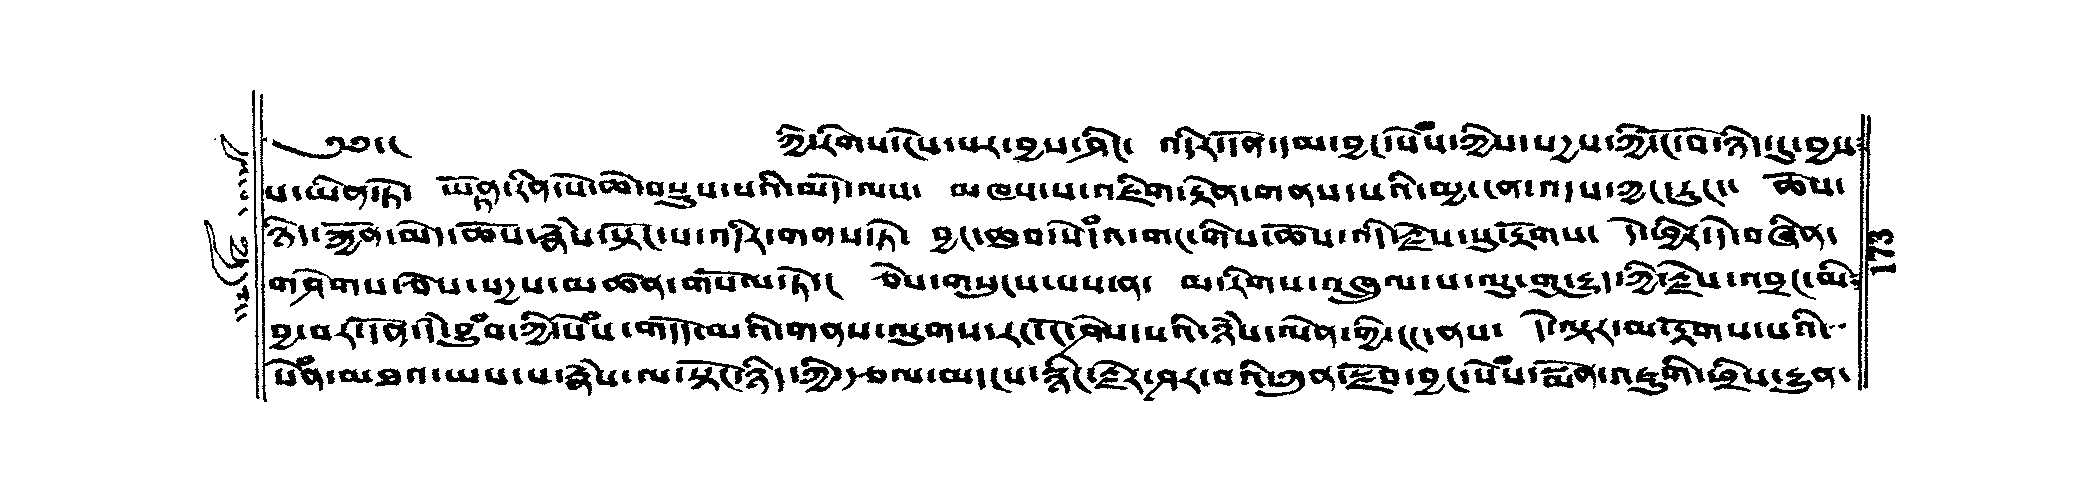ཀྱི་རིགས་ངེས་པར་བྱས་ཤིང་། འདིར་དོན་དམ་བྱང་སེམས་ཀྱིས་སངས་རྒྱས་ཀྱི་ངོ་བོ་ཉིད་དུ་བྱས་
པ་ཡིན་ཏེ། ཡོན་ཏན་རིན་པོ་ཆེ་བསྡུས་པའི་མོད་ལས། མཁས་པ་འཇིག་རྟེན་གནས་པའི་མྱ་ངན་འདས་ཀྱང་རུང་། ཆོས་
ཉིད་སྐྱོན་མེད་ཆོས་རྣམས་སྟོག་པ་འདིར་གནས་ཏེ། བྱང་ཆུབ་སེམས་དཔའ་གང་གིས་ཆོས་འདི་རྗེས་སུ་རྟོགས། དེ་ཕྱིར་དེ་བཞིན་
གཤེགས་ཅེས་སངས་རྒྱས་མཚན་གསོལ་ཏེ། ཅེས་གསུངས་པས་ན། མ་རིགས་འཁྲུལ་པ་ལུ་གུ་རྒྱུད་ཀྱི་རྗེས་འབྲང་མི་
བྱ་བར་དོན་དམ་བྱང་ཆུབ་ཀྱི་སེམས་གདོད་མའི་གནས་ལུགས་རང་ངོ་ཤེས་པའི་ཉམས་ལེན་གྱི་ངང་ནས། དེ་ལྟར་མ་རྟོགས་པའི་
སེམས་ཅན་མཐའ་ཡས་པ་རྣམས་ལ་སྟོང་ཉིད་ཀྱི་རྩལ་མདངས་སྙིང་རྗེར་ཤར་བའི་ཀུན་རྫོབ་བྱང་སེམས་སྨོན་འཇུག་གི་ཕྲིན་ལས་རྒྱུན་